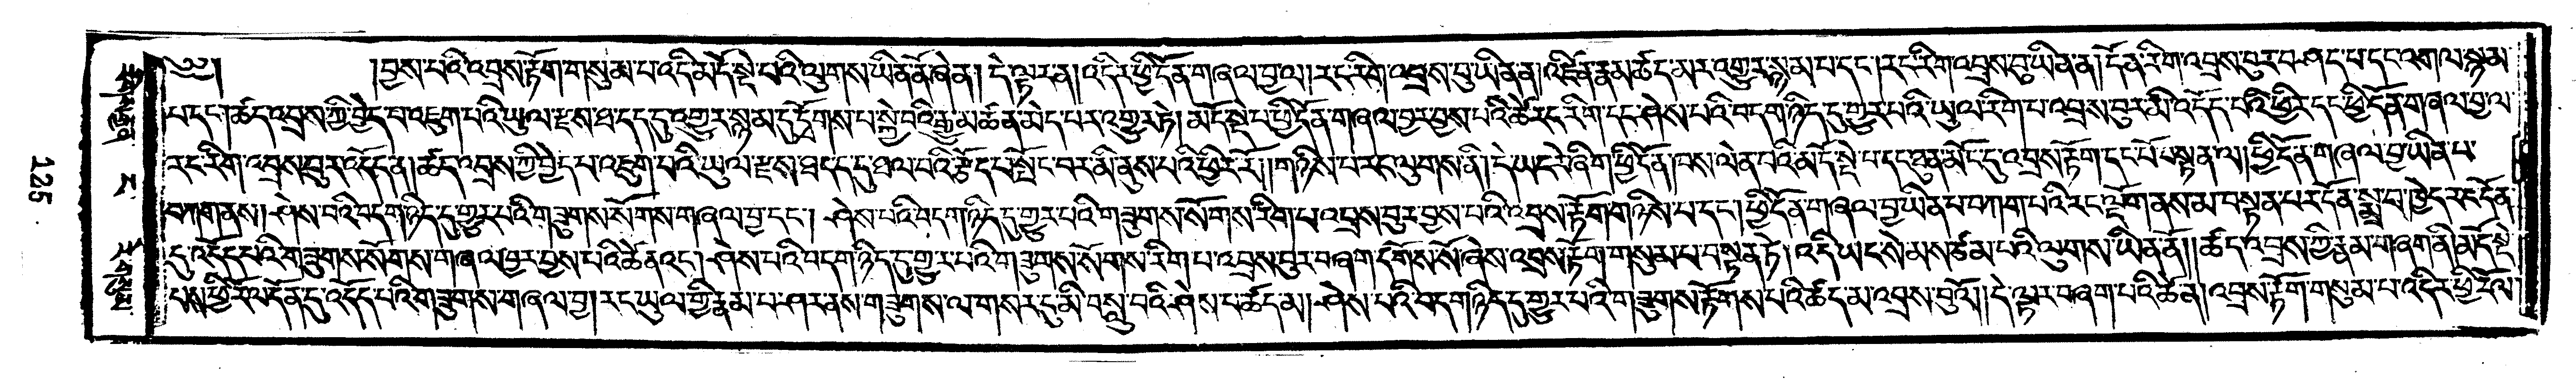༄༅། །བྱས་པའི་འབྲས་རྟོག་གསུམ་པ་འདི་མདོ་སྡེ་པའི་ལུགས་ཡིན་ནོ་ཞེ་ན། དེ་ལྟར་ན། འདིར་ཕྱི་དོན་གཞལ་བྱ་ལ། རང་རིག་འབྲས་བུ་ཡིན་ན། འཛིན་རྣམ་ཚད་མར་འགྱུར་སྙམ་པ་དང་། རང་རིག་འབྲས་བུ་ཡིན་ན། དོན་རིག་འབྲས་བུར་བཤད་པ་དང་འགལ་སྙམ་
པ་དང་། ཚད་འབྲས་ཀྱི་བྱེད་པ་འཇུག་པའི་ཡུལ་རྫས་ཐ་དད་དུ་འགྱུར་སྙམ་དུ་{དྭོགས}་པ་སྐྱེ་བའི་རྒྱུ་མཚན་མེད་པར་འགྱུར་ཏེ། མདོ་སྡེ་པ་ཕྱི་དོན་གཞལ་བྱར་བྱས་པའི་ཚེ་རང་རིག་དང་ཤེས་པའི་བདག་ཉིད་དུ་གྱུར་པའི་ཡུལ་རིག་པ་འབྲས་བུར་མི་འདོད་པའི་ཕྱིར་དང་ཕྱི་དོན་གཞལ་བྱ་ལ་
རང་རིག་འབྲས་བུར་འདོད་ན། ཚད་འབྲས་ཀྱི་བྱེད་པ་འཇུག་པའི་ཡུལ་རྫས་ཐ་དད་དུ་ཐལ་བའི་རྩོད་པ་སྤོང་བར་མི་ནུས་པའི་ཕྱིར་རོ། །གཉིས་པ་རང་ལུགས་ནི། དེ་ཡང་རེ་ཞིག་ཕྱི་དོན་ཁས་ལེན་པའི་མདོ་སྡེ་པ་དང་ཐུན་མོང་དུ་འབྲས་རྟོག་དང་པོ་བསྟན་ལ། ཕྱི་དོན་གཞལ་བྱ་ཡིན་པ་
བཀག་ནས། ཤེས་པའི་བདག་ཉིད་དུ་གྱུར་པའི་གཟུགས་སོགས་གཞལ་བྱ་དང་། ཤེས་པའི་བདག་ཉིད་དུ་གྱུར་པའི་གཟུགས་སོགས་རིག་པ་འབྲས་བུར་བྱས་པའི་འབྲས་རྟོག་གཉིས་པ་དང་། ཕྱི་དོན་གཞལ་བྱ་ཡིན་པ་བཀག་པའི་རང་ལྡོག་ནས་མ་བསྟན་པར་དོན་སྨྲ་བ་ཁྱེད་རང་དོན་
དུ་འདོད་པའི་གཟུགས་སོགས་གཞལ་བྱར་བྱས་པའི་ཚེ་ནའང་། ཤེས་པའི་བདག་ཉིད་དུ་གྱུར་པའི་གཟུགས་སོགས་རིག་པ་འབྲས་བུར་བཞག་དགོས་སོ་ཞེས་འབྲས་རྟོག་གསུམ་པ་བསྟན་ཏེ། འདི་ཡང་སེམས་ཙམ་པའི་ལུགས་ཡིན་ནོ། །ཚད་འབྲས་ཀྱི་རྣམ་གཞག་ནི། མདོ་སྡེ་
པས་ཕྱི་རོལ་དོན་དུ་འདོད་པའི་གཟུགས་གཞལ་བྱ། རང་ཡུལ་གྱི་རྣམ་པ་ཤར་ནས་གཟུགས་ལ་གསར་དུ་མི་བསླུ་བའི་ཤེས་པ་ཚད་མ། ཤེས་པའི་བདག་ཉིད་དུ་གྱུར་པའི་གཟུགས་རྟོགས་པའི་ཚད་མ་འབྲས་བུའོ། །དེ་ལྟར་བཞག་པའི་ཚེ་ན། འབྲས་རྟོག་གསུམ་པ་འདིར་ཕྱི་རོལ་